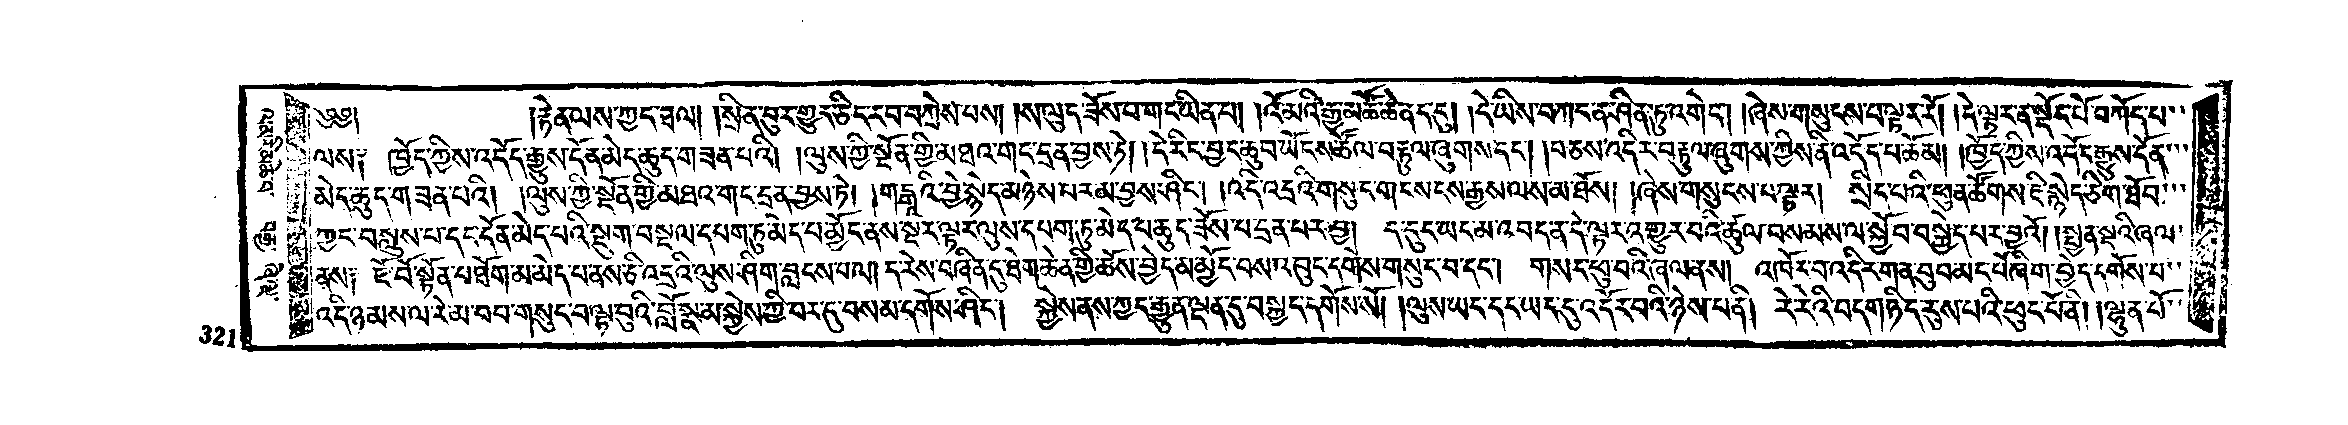༄༅། །རྟེན་ལས་ཀྱང་ཐལ། །སྲིན་བུར་གྱུར་ཅིང་རབ་བཀྲེས་པས། །ས་ལུད་ཟོས་པ་གང་ཡིན་པ། །འོ་མའི་རྒྱ་མཚོ་ཆེ་ནང་དུ། །དེ་ཡིས་བཀང་ན་ཤིན་ཏུ་འགེང་། །ཞེས་གསུངས་པ་ལྟར་རོ། །དེ་ལྟར་ན་སྡོང་པོ་བཀོད་པ་
ལས༑ ཁྱོད་ཀྱིས་འདོད་རྒྱུས་དོན་མེད་ཆུད་གཟན་པའི། །ལུས་ཀྱི་སྔོན་གྱི་མཐའ་གང་དྲན་བྱས་ཏེ། །དེ་རིང་བྱང་ཆུབ་ཡོངས་ཚོལ་བརྟུལ་ཞུགས་དང་། །བཅས་འདིར་བརྟུལ་ཞུགས་ཀྱིས་ནི་འདོད་པ་ཆོམ། །ཁྱོད་ཀྱིས་འདོད་རྒྱུས་དོན་
མེད་ཆུད་གཟན་པའི། །ལུས་ཀྱི་སྔོན་གྱི་མཐའ་གང་དྲན་བྱས་ཏེ། །གངྒཱའི་བྱེ་སྙེད་མཉེས་པར་མ་བྱས་ཤིང་། །འདི་འདྲའི་གསུང་གང་སངས་རྒྱས་ལས་མ་ཐོས། །ཞེས་གསུངས་པ་ལྟར། སྲིད་པའི་ཕུན་ཚོགས་ཇི་སྙེད་ཅིག་ཐོབ་
ཀྱང་བསླུས་པ་དང་དོན་མེད་པའི་སྡུག་བསྔལ་དཔག་ཏུ་མེད་པ་མྱོང་ནས་སྔར་ལྟར་ལུས་དཔག་ཏུ་མེད་པ་ཆུད་ཟོས་པ་དྲན་པར་བྱ། ད་དུང་ཡང་མ་འབད་ན་དེ་ལྟར་འགྱུར་བའི་ཚུལ་བསམས་ལ་སྐྱོ་བ་བསྐྱེད་པར་བྱའོ། །སྤྱན་སྔའི་ཞལ་
ནས༑ ཇོ་བོ་སྟོན་པ་ཐོག་མ་མེད་པ་ནས་ཅི་འདྲའི་ལུས་ཤིག་བླངས་པ་ལ། ད་རེས་བཞིན་དུ་ཐེག་ཆེན་གྱི་ཆོས་བྱེད་མ་མྱོང་བས་འབུང་དགོས་གསུང་བ་དང་། གསང་ཕུ་བའི་ཞལ་ནས། འཁོར་བ་འདིར་གན་བུབ་མང་པོ་ཞིག་བྱེད་དགོས་པ་
འདི་ཉམས་ལ་རེ་མ་བབ་གསུང་བ་ལྟ་བུའི་བློ་སྣ་མ་སྐྱེས་ཀྱི་བར་དུ་བསམ་དགོས་ཤིང་། སྐྱེས་ནས་ཀྱང་རྒྱུན་ལྡན་དུ་བསྐྱང་དགོས་སོ། །ལུས་ཡང་དང་ཡང་དུ་འདོར་བའི་ཉེས་པ་ནི། རེ་རེའི་བདག་ཉིད་རུས་པའི་ཕུང་པོ་ནི། །ལྷུན་པོ་